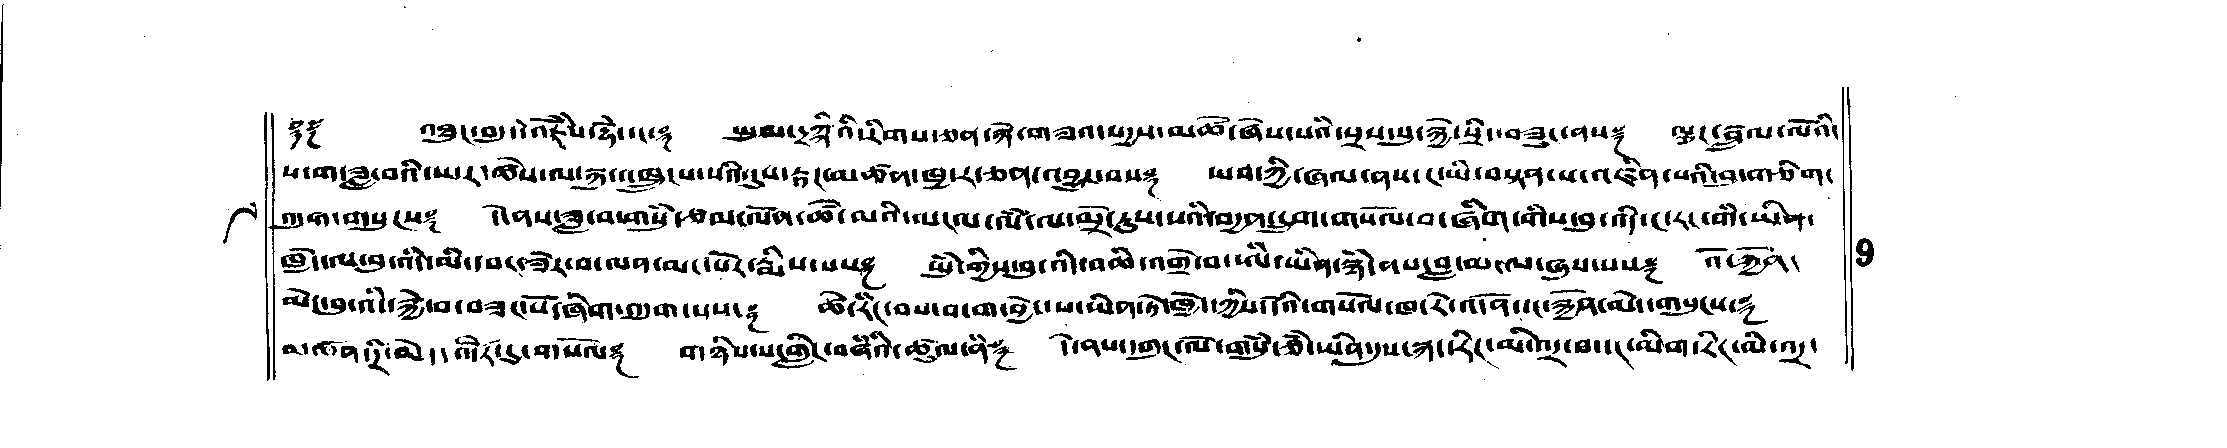འཐུང་བདུད་འཇོམས་རྡོ་རྗེ་དང་། ཡུམ་ཌཱཀྐིའི་རིགས་ཅན་སྐེ་གཟའ་སངས་རྒྱས་མཚོ་ཞེས་པའི་སྲས་སུ་སྐྱེ་སྲིད་བཟུང་ནས། ལྕགས་སྦྲུལ་ལོའི་
ས་ག་ཟླ་བའི་ཡར་ཚེས་ལ་སྐུ་འཁྲུངས་པའི་དུས་རྟགས་མཚན་ཁྱད་པར་ཅན་འབྱུང་བས། ཡབ་ཀྱི་ཞལ་ནས་ང་ཡི་བསྟན་པ་འཛིན་པའི་བུ་གཅིག་
འདུག་གསུངས། དེ་ནས་ཟླ་བ་གསུམ་ཙམ་ལོན་ཚེ་མའི་མནལ་ལམ་ལ་མཁའ་འགྲོ་རུས་པའི་རྒྱན་དྲུག་གསོལ་བ་ཞིག་གིས་བུ་འདི་ང་རང་གི་ཡིན་
ཁྱོད་ལ་བུ་འདི་མི་དབང་ཟེར་བ་ལན་མང་པོར་རྨིས་པས། ཡུམ་གྱིས་བུ་འདི་འཆི་འགྲོ་བ་ཨི་ཡིན་སྙམ་ནས་བླ་མ་ལ་ཞུས་པས། འོ་སྐྱོན་
མེད་བུ་འདི་སྐྱེ་བ་བཟང་པོ་ཞིག་འདུག་པས། ཚེ་རིང་བས་༼མས་?༽བདག་བྱེད་པ་ཡིན་ཏེ་ཁྱོད་ཀྱིས་དེའི་གསོལ་ཁ་རེ་འདོན་དང་སྐྱོན་མེད་གསུངས། 
མཚན་དྲི་མེད་འོད་ཟེར་དུ་གསོལ། གཉིས་པ་གླེང་བཞིའི་ཚུལ་ནི། དེ་ནས་དགུང་ལོ་གསུམ་ཙམ་ཡིན་དུས་སྐད་རིགས་མི་འདྲ་བ་དང་ཡིག་རིགས་མི་འདྲ་